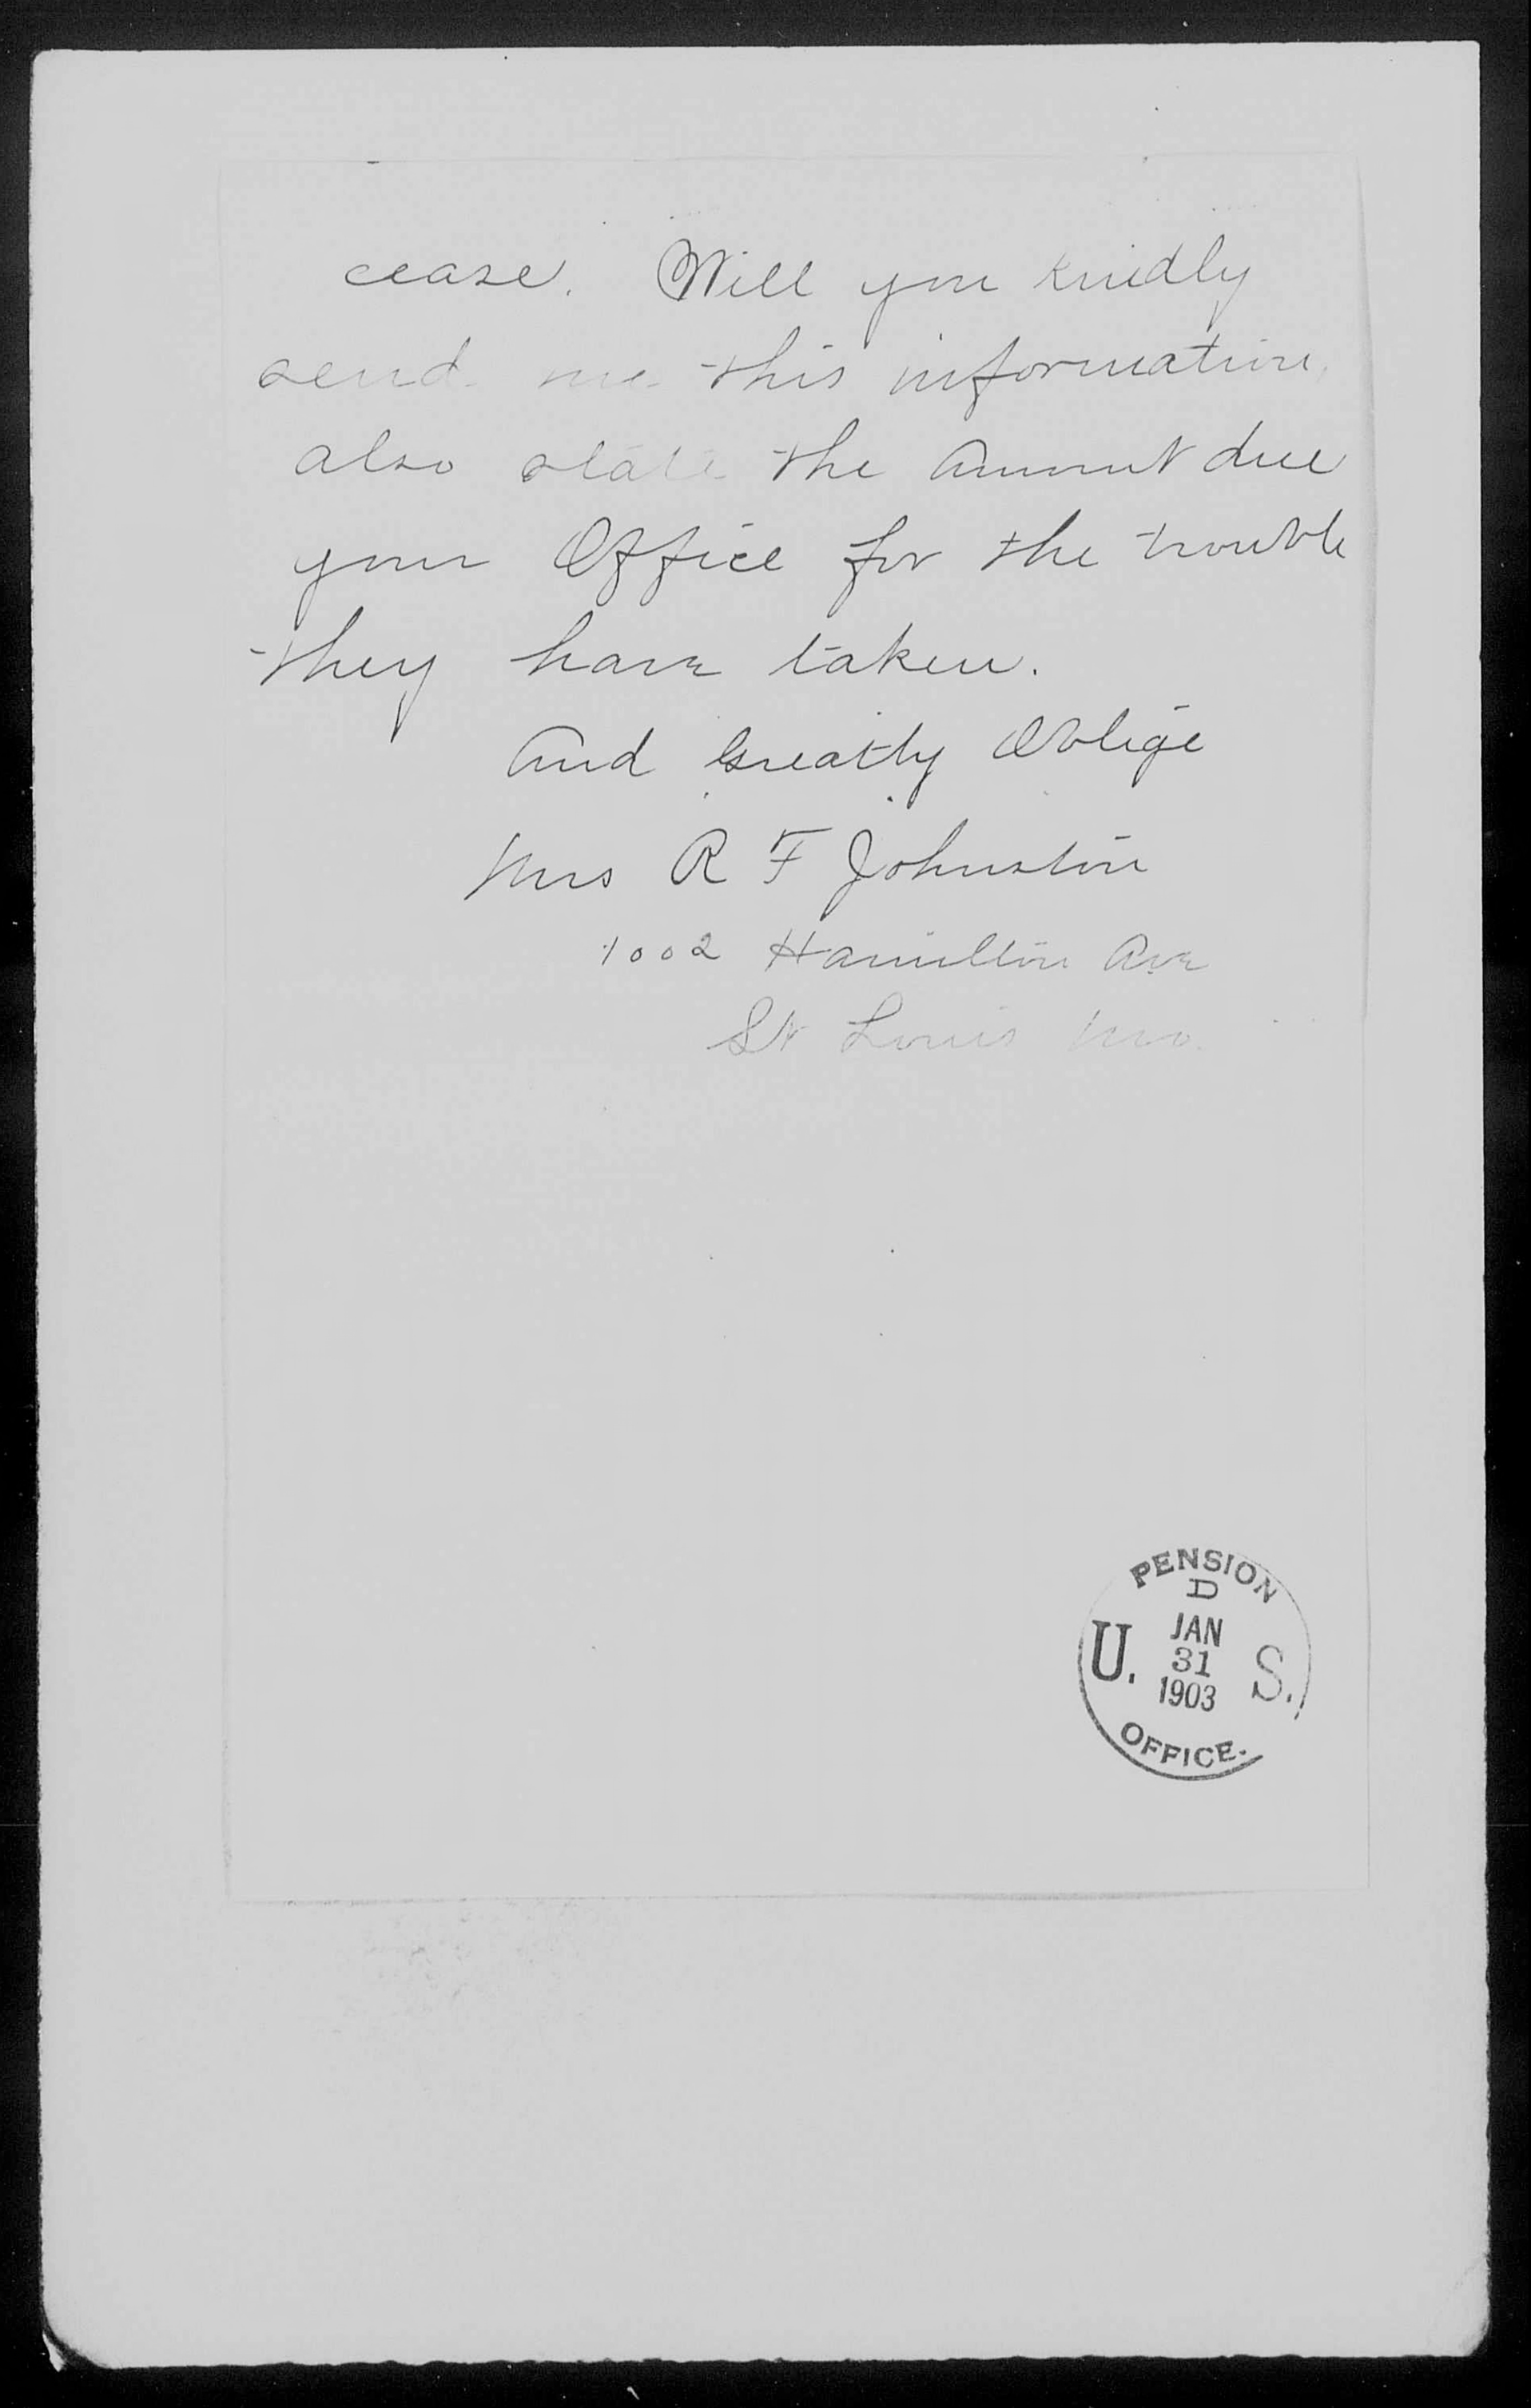cease. will you kindly send me this information also the amount due your office for the trouble they have taken . And greatly oblige . Mrs. R. F. Johnston  1002 Hamilton Ave. St. Louis , Mo. ( post mark ) [ U.S. PENSION OFFICE D JAN 31 1903 ]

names: R F Johnston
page: 20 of 23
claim: survivor's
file: S. 21068, John Bell, Ga. N. C. S. C.